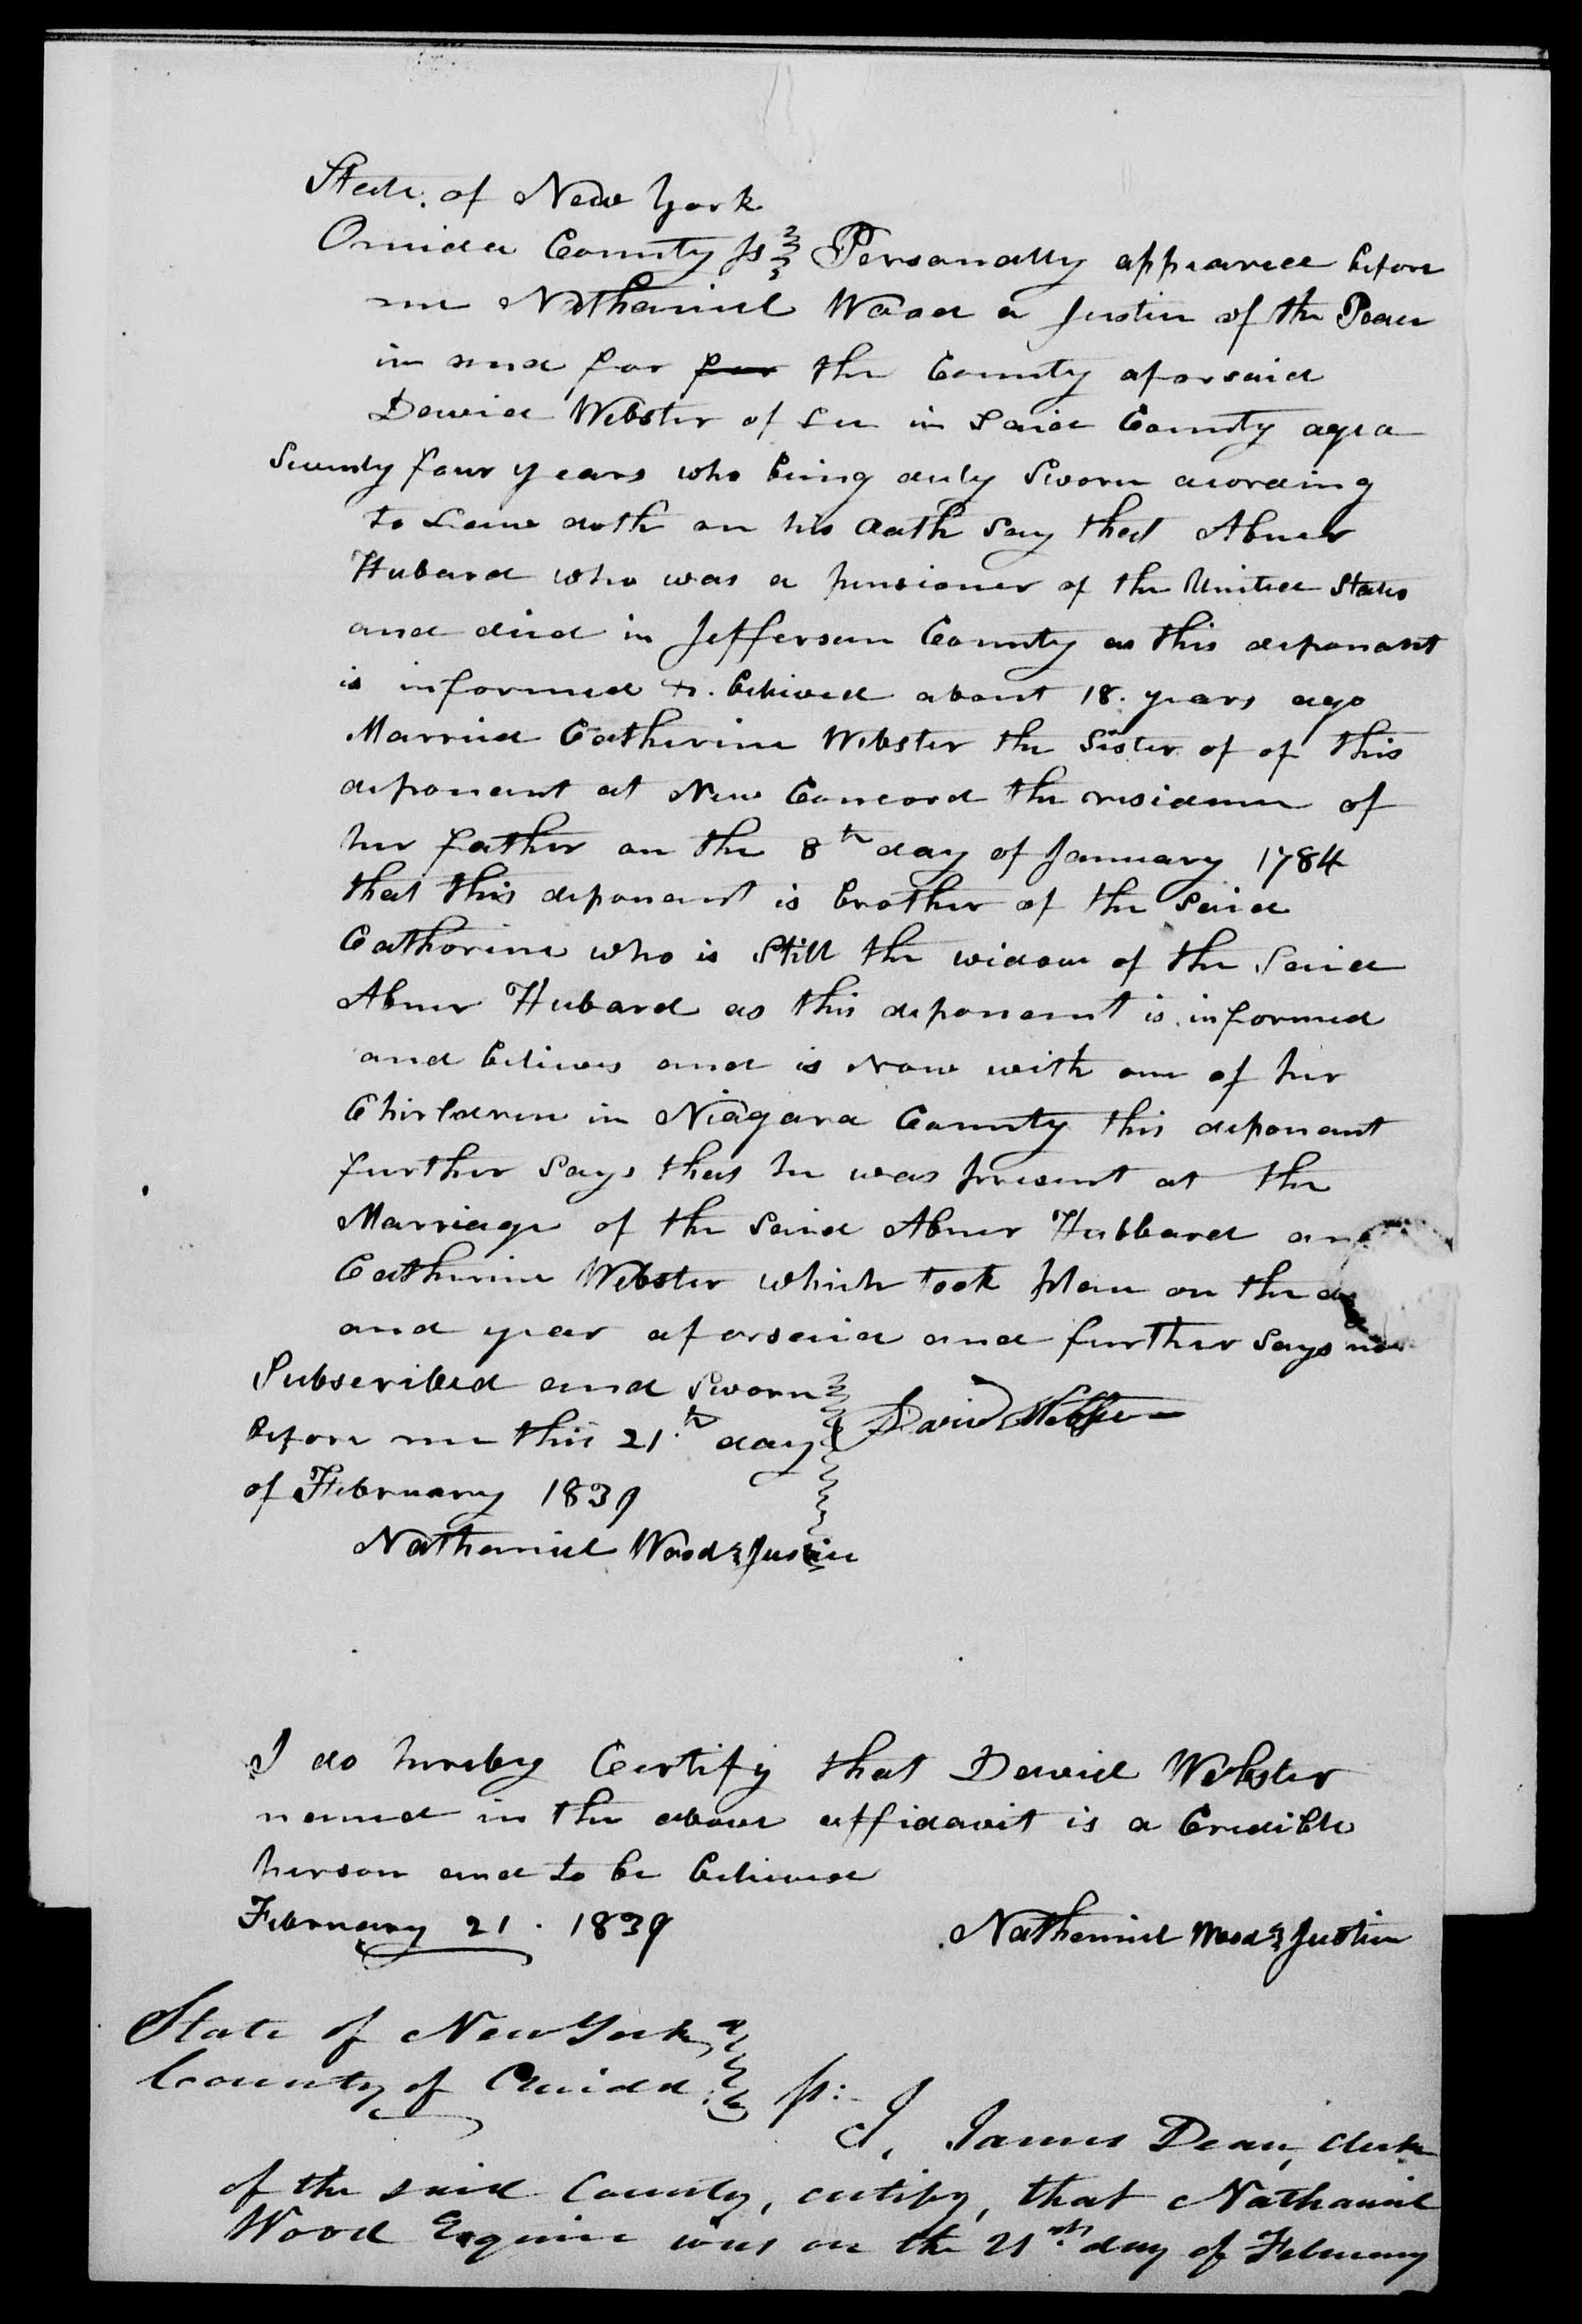State of New York
Oneida County ss }
Pensionary appearance before
me Nathaniel Wood a Justice of the Peace 
in and for the county aforsaid
David Webster of [illegible] in said County aged
Seventy four years who being duly sworn acording
to same doth on his oath say that Abner
Hubard who was a pensioner of the United States
and died in Jefferson County as this deponent
informed & believed about 18 years ago
Married Catharine Webster the sister of of this
deponent at New Concord the residence of
her father on the 8th day of January 1784
that this deponent is brother of the said
Catharine who is still the widow of the said
Abner Hubard as this deponent is informed
and believes and is now with one of her
Children in Niagara County this deponant
further says that he was present at the
Marriage of the said Abner Hubbard and
Catharine Webster which took place on [illegible]
and year aforesaid and further says [illegible]
Subscribed and sworn
before me this 21th day
of February 1839
Nathaniel Wood Justice
David Webster
I do hereby certify that David Webster
named in the above affidavit is a credible
person and to be believe
February 21. 1839
Nathaniel Wood Justice
State of New York
County of Oneida} ss:
I James Dean Clerk 
of the said County, certify that Nathaniel
Wood Esquire was on the 111th day of February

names: Abner Hubard, Catherine Webster, James Dean, David Webster, Nathaniel Wood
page: 31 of 38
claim: widow's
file: W. 23,381, Abner Hubbard, Continental Mass.